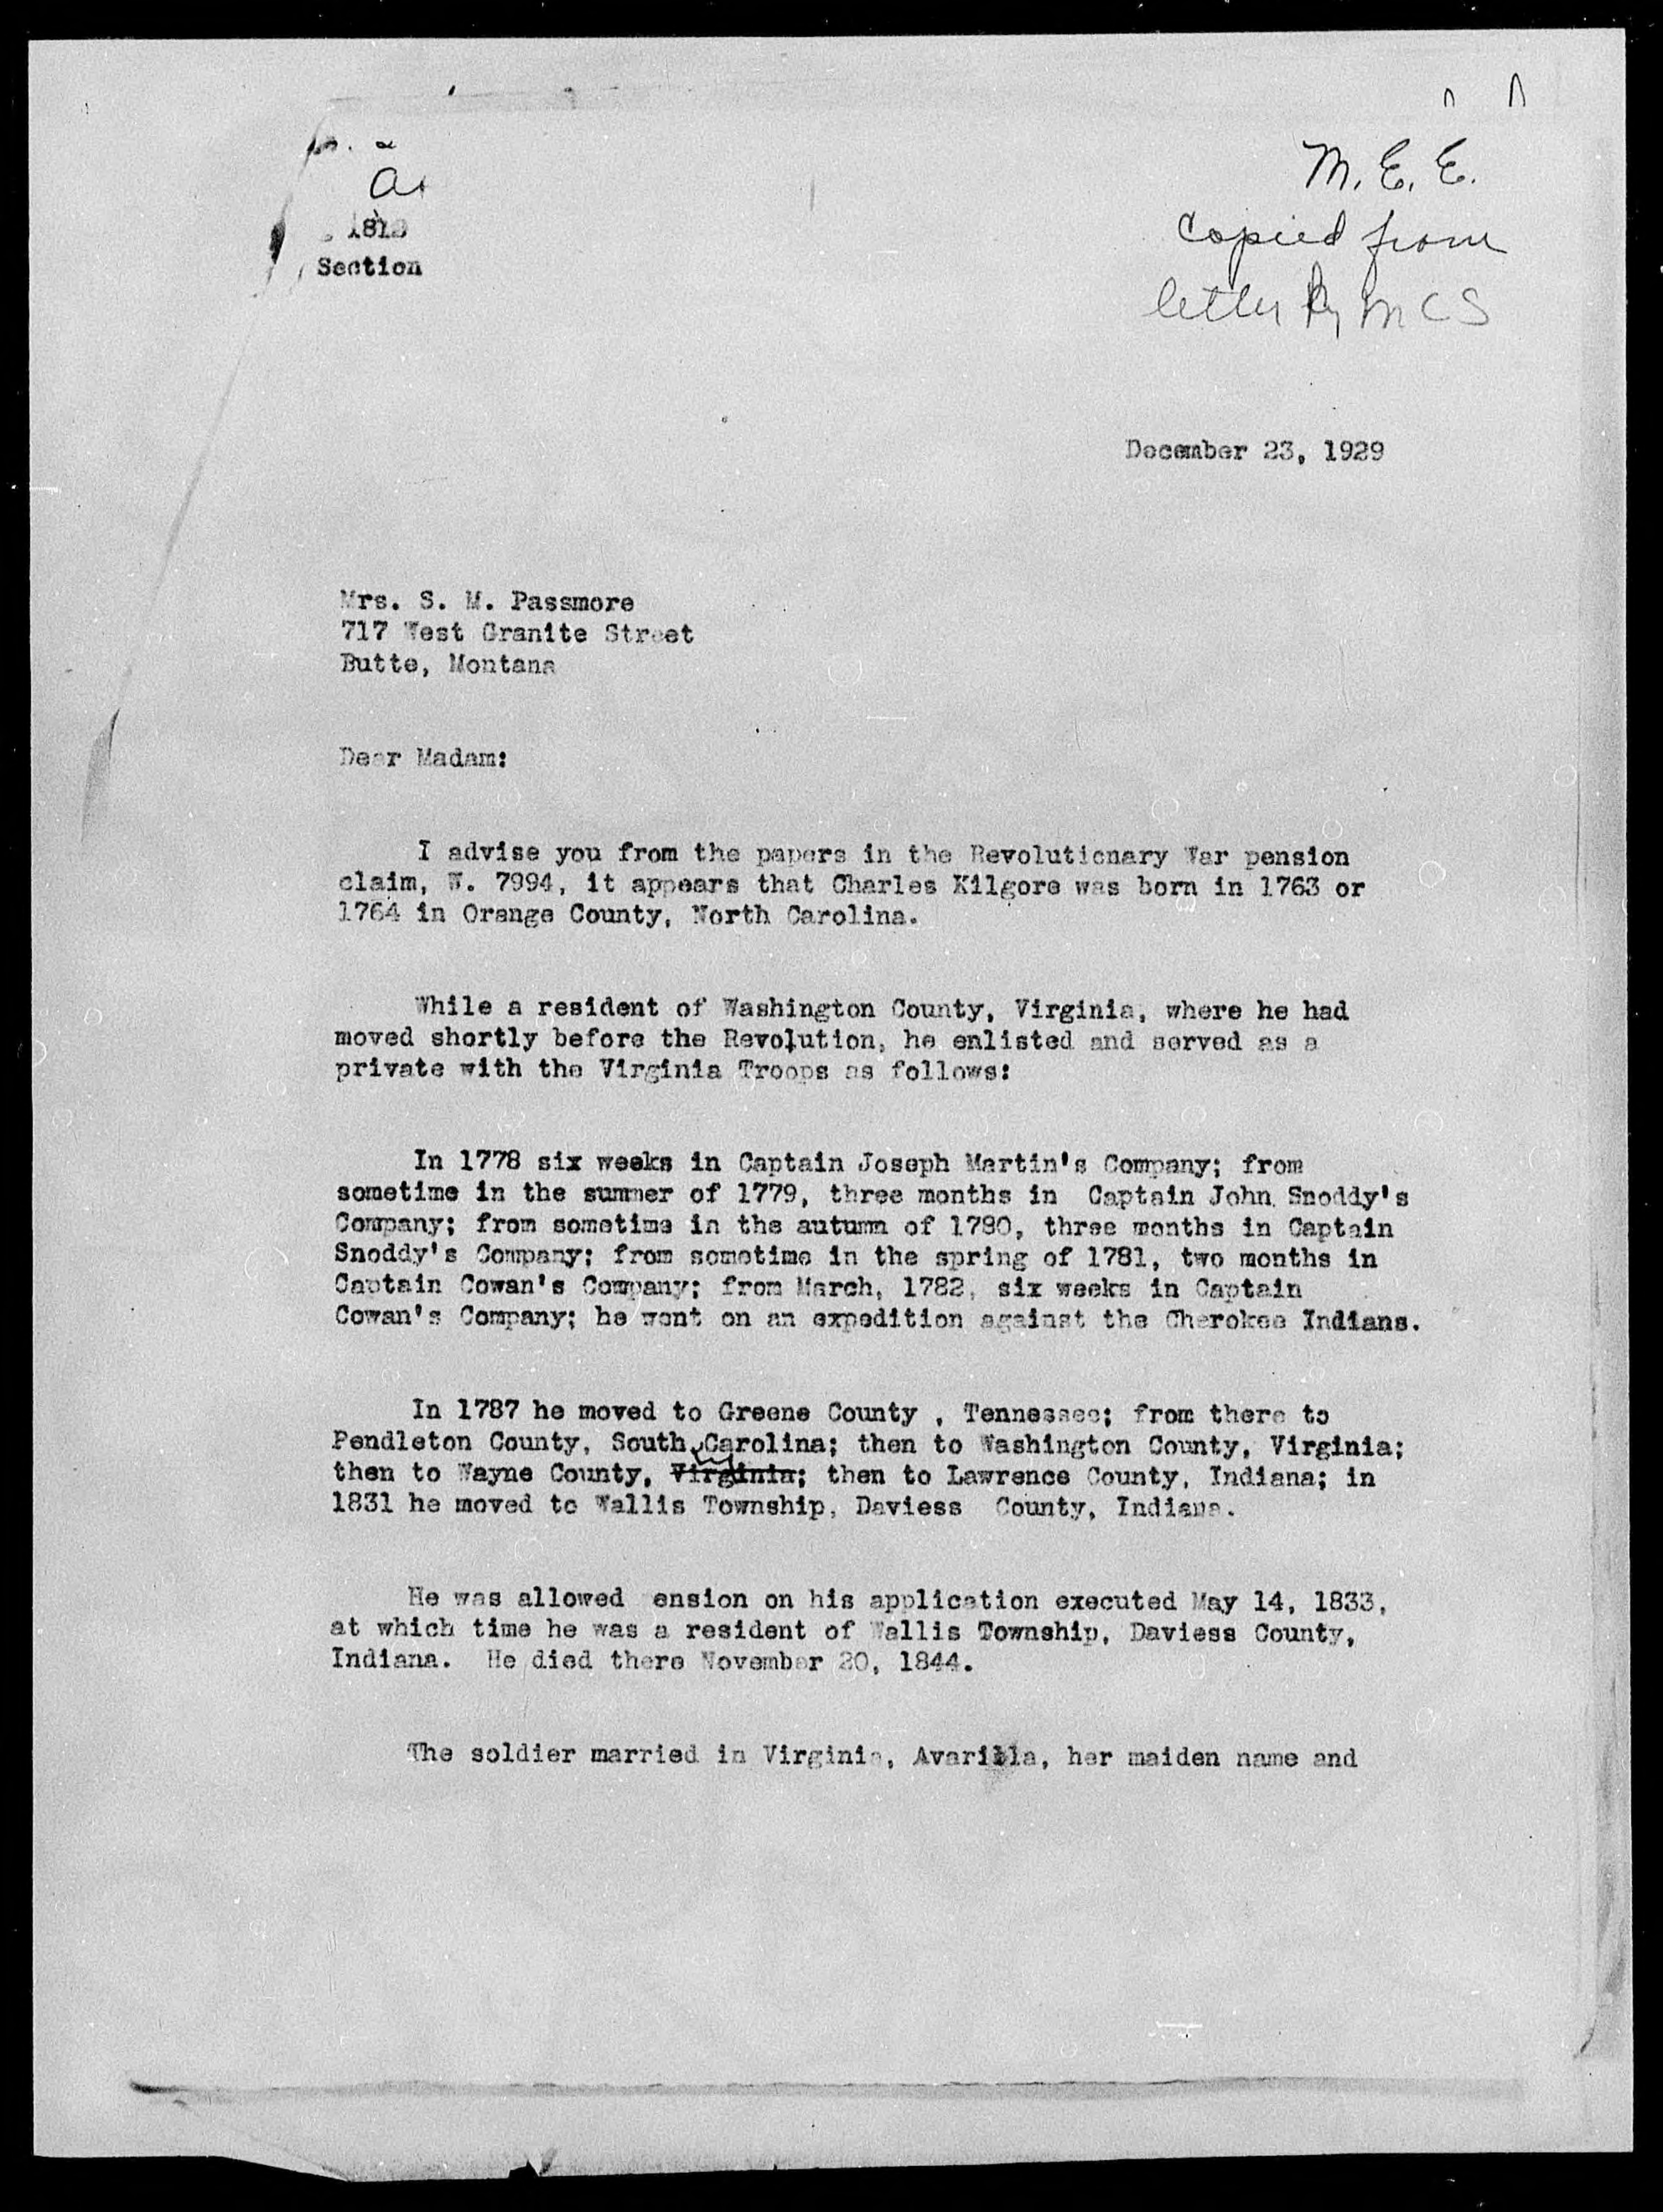[text missing] 1812 Section

[handwritten note: M. E. E. copied from letter by MCS]

December 23, 1929

Mrs. S. W. Passmore
717 West Granite Street
Butte, Montana

Dear Madam:
I advise you from the papers in the Revolutionary War pension claim, W. 7994, it appears that Charles Kilgore was born in 1763 or 1764 in Orange County, North Carolina.
While a resident of Washington County, Virginia, where he had moved shortly before the Revolution, he enlisted and served as a private with the Virginia Troops as follows:
In 1778 six weeks in Captain Joseph Martin's Company; from sometime in the summer of 1779, three months in Captain John Snoddy's Company; from sometime in the autumn of 1780, three months in Captain Snoddy's Company: from sometime in the spring of 1781, two months in Captain Cowan's Company; from March, 1782, six weeks in Captain Cowan's Company; he went on an expedition against the Cherokee Indians.
In 1787 he moved to Greene County, Tennessee; from there to Pendleton County, South Carolina; then to Washington County, Virginia; then to Wayne County, [crossed out: Virginia] Ky; then to Lawrence County, Indiana; in 1831 he moved to Wallis Township, Daviess County, Indiana.
He was allowed pension on his application executed May 14, 1833, at which time he was a resident of Wallis Township, Daviess County, Indiana. He died there November 20, 1844.
The soldier married in Virginia, Avarilla, her maiden name and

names: S M Passmore; Charles Kilgore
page: 102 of 115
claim: survivor's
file: S. 699, for Charles Kilgore, Virginia